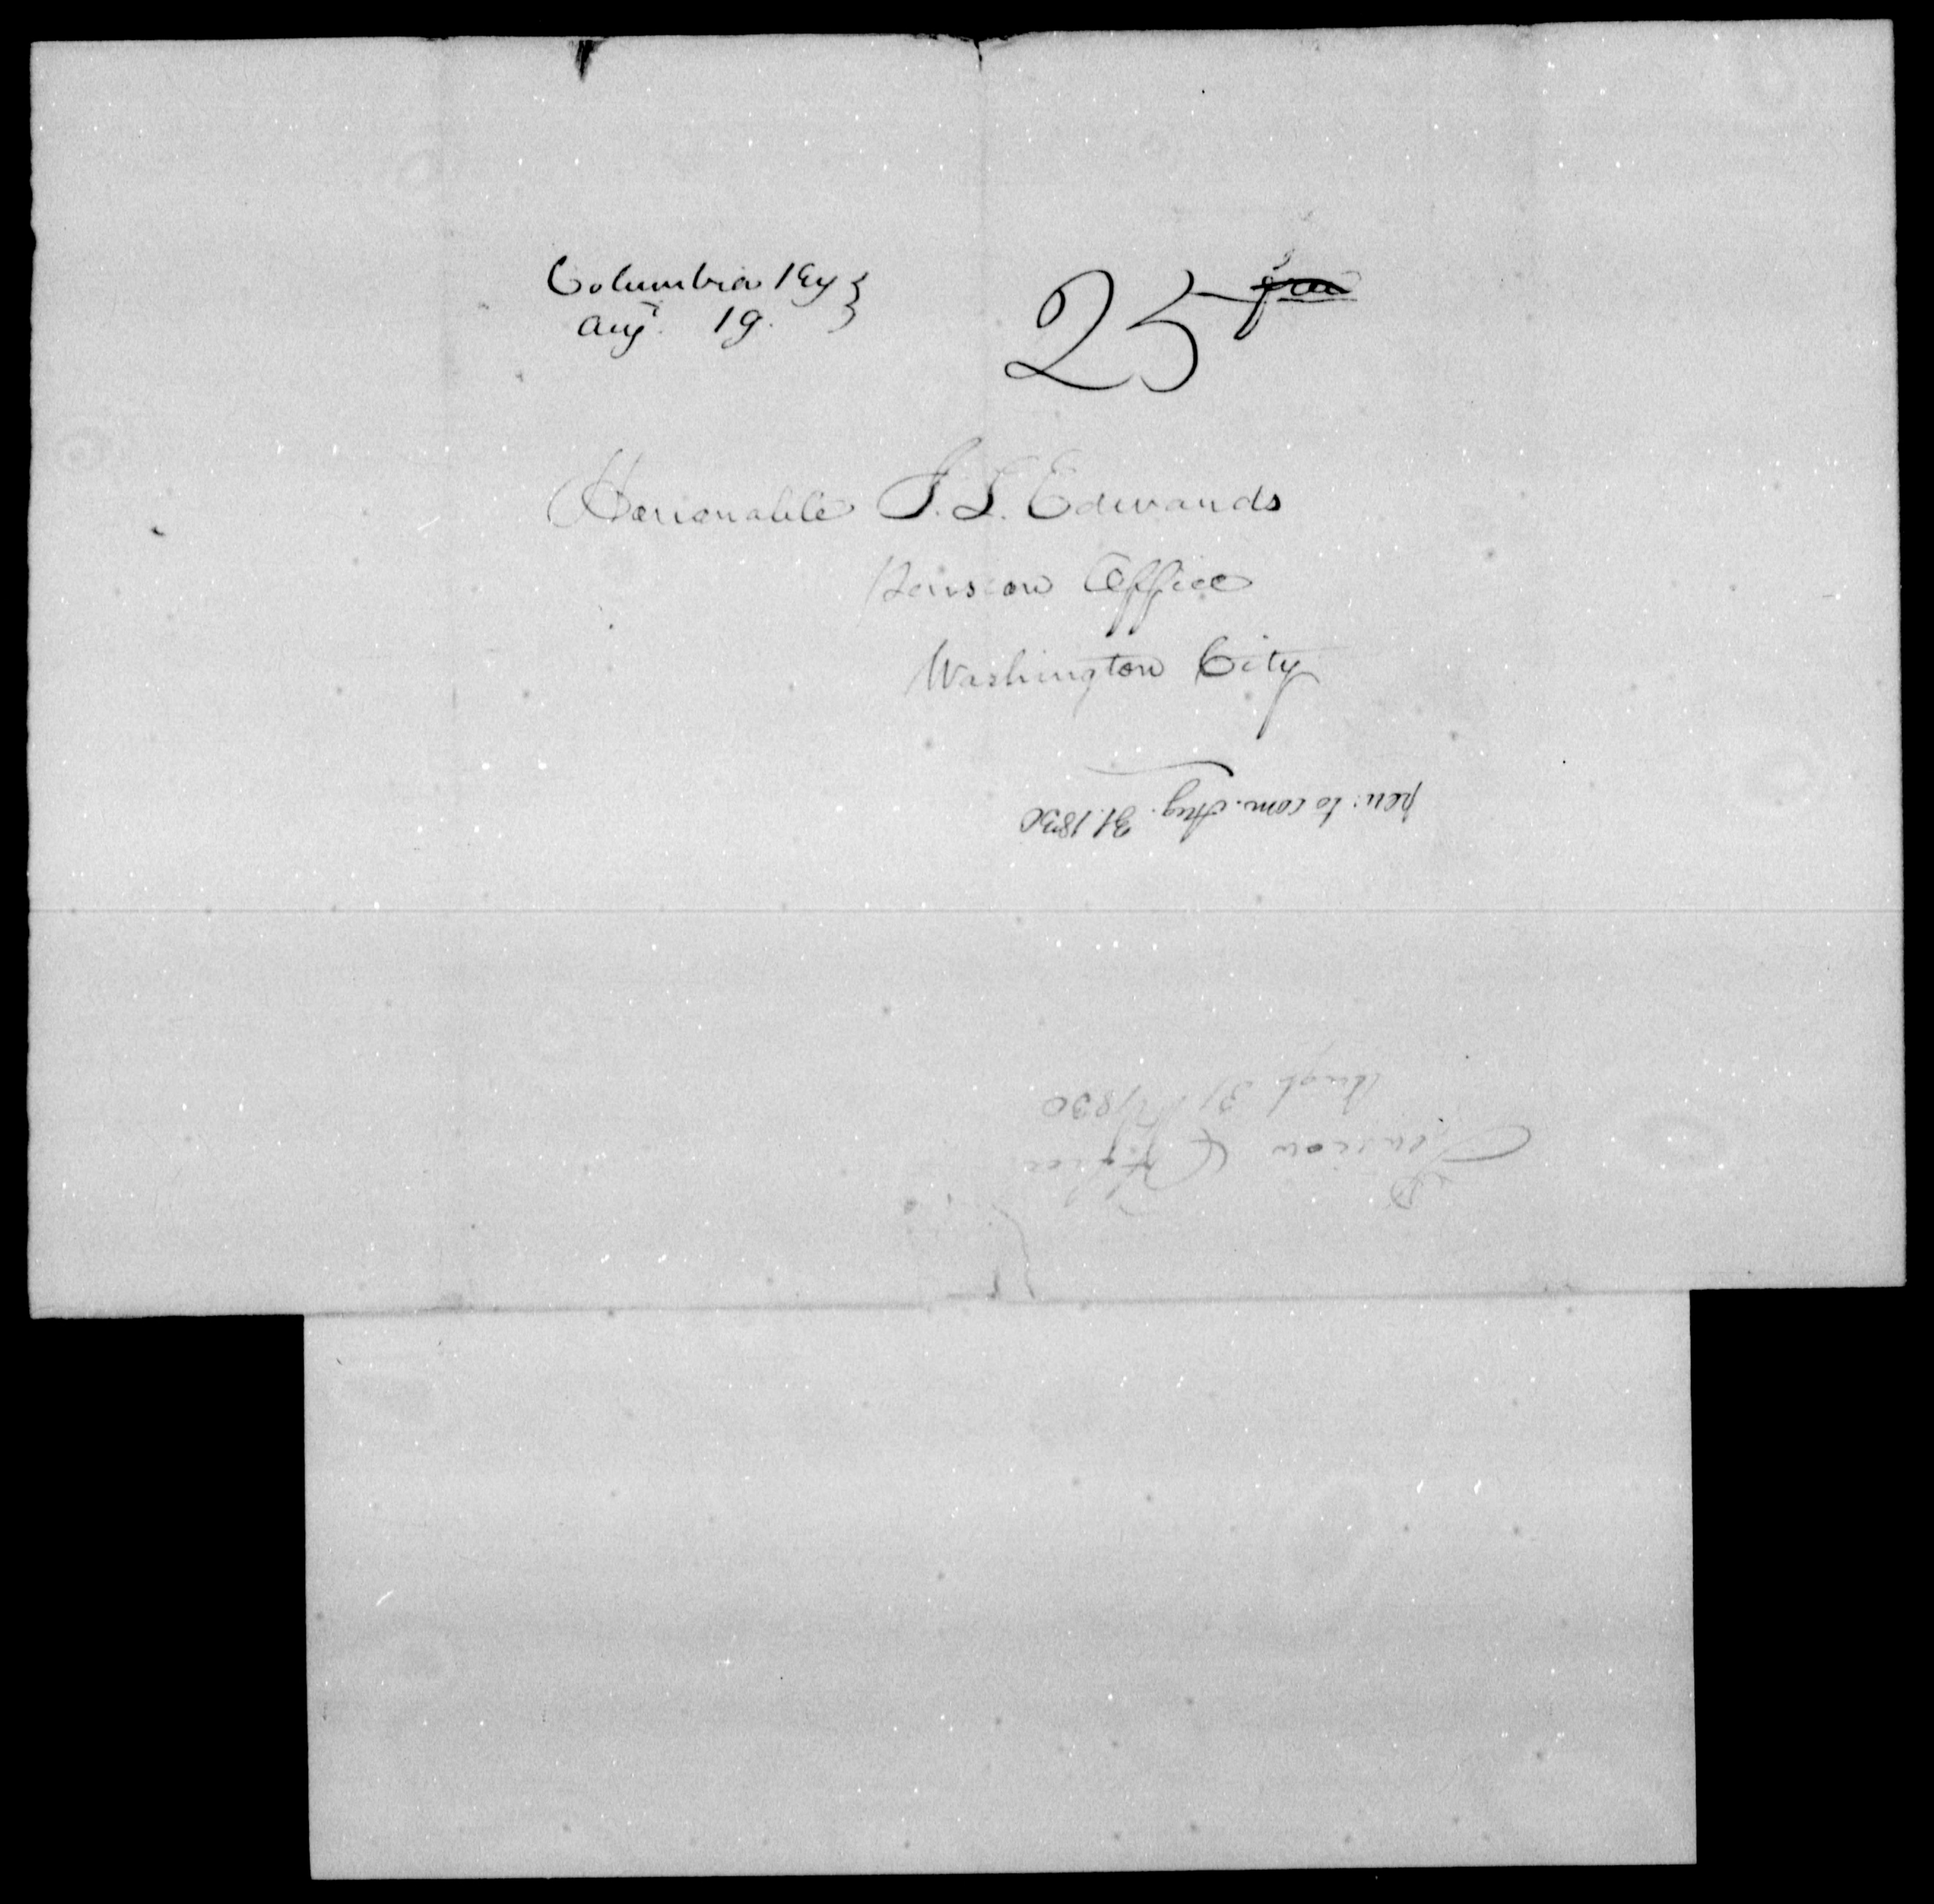Columbia Ky
Augt. 19

25

Honorable J.L. Edwards
Pension Office
Washington City

[illegible] to com. Aug. 31 1830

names: J L Edwards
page: 35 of 57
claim: widow's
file: W. 9,622, for Aaron Redman, Virginia